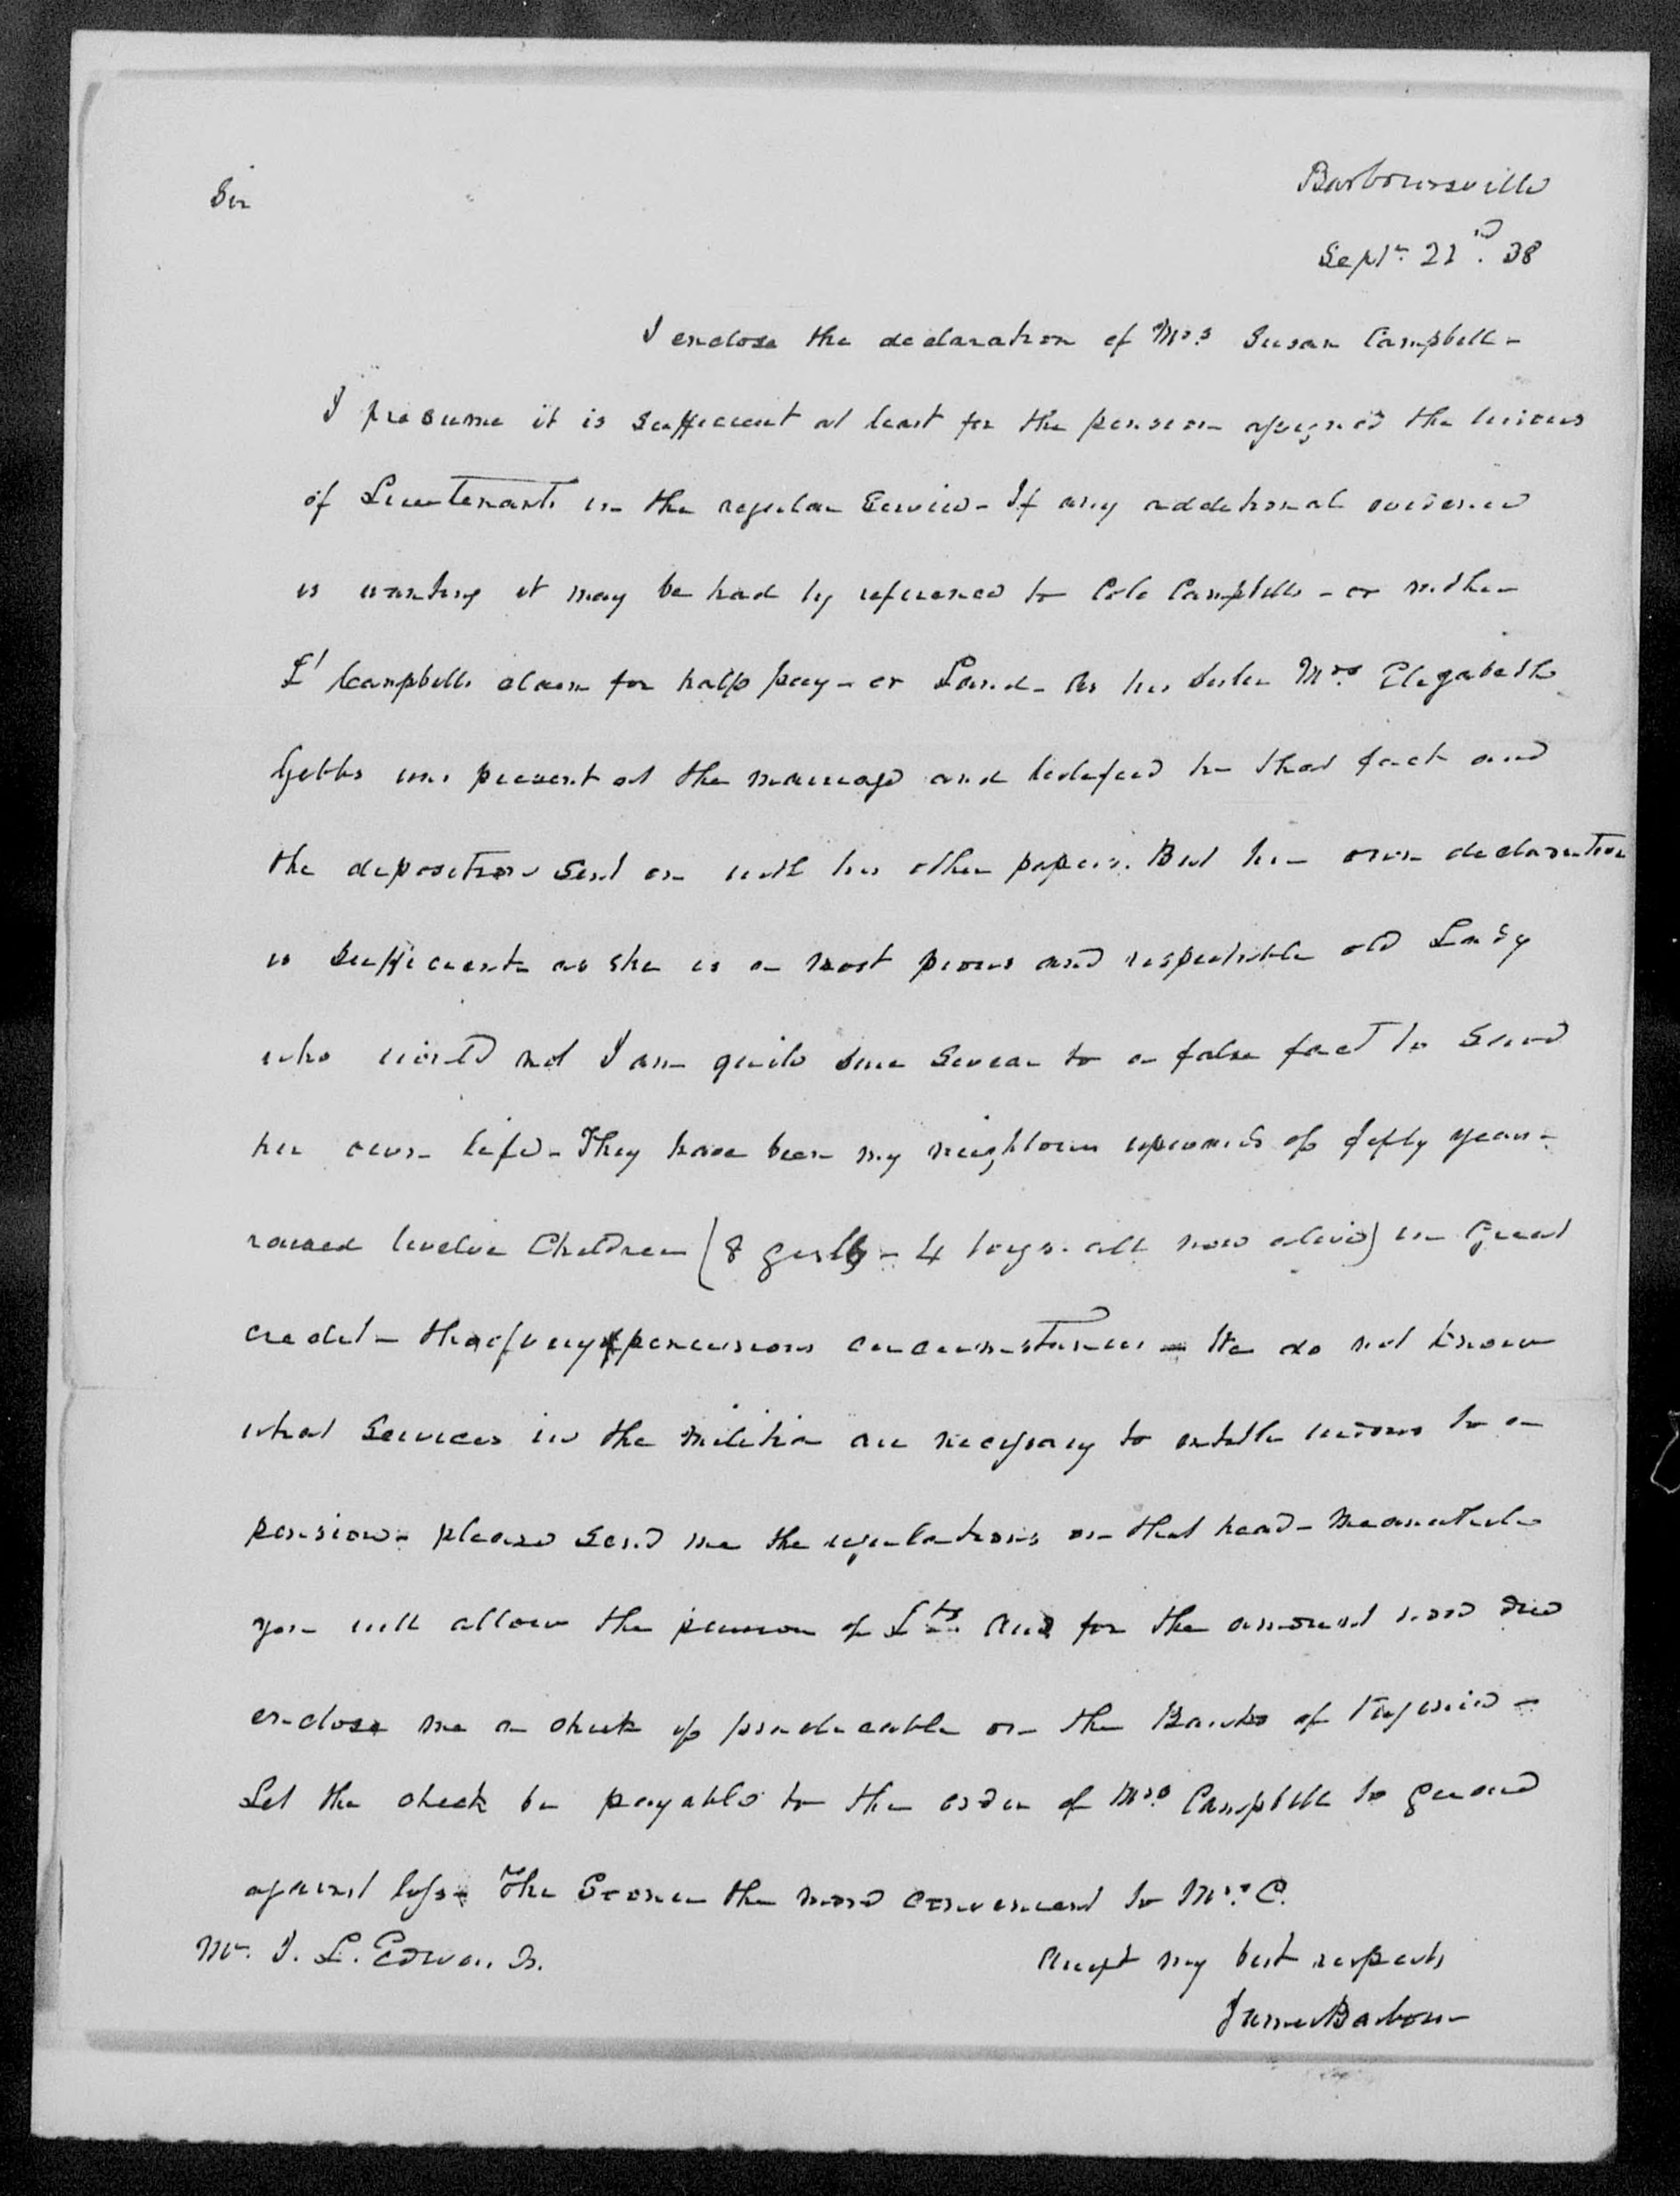Barboursville
Septr. 22nd. 38
Sir
I enclose the declaration of Mrs. Suisan Campbell -- I presume it is sufficient at least for the pension assigned the widows of Lieutenants in the regular service -- If any additional evidence is wanting it may be had by reference to Colo Campbells -- or rather Lt Campbells claim for half pay -- or Land __ or his Sister Mrs. Elizabeth Gibbs was present at the marriage and certified to that fact and the deposition sent on with his other papers. But her own declaration is sufficient as she is a most pious and respectable old Lady who would not I am quite sure Swear to a false fact to save her own life.  They have been my neighbors upwards of fifty years -- raised twelve children (8 girls -- 4 boys. all now alive) in Great credit -- tho of every pensioners circumstances ___ We do not know what services in the militia are necessary to entitle widows for a pension -- please send me the regulations on that hand -- meanwhile you will allow the pension  of Lts. and for the amount said and enclose me a check if practicable on the Bank of Virginia __Let the check be payable to the order of Mrs.Campbell to guard against loss -- The Sooner the more convenient for Mrs. C.
Accept my best respects
James Barbour

Mr. J. L. Edwards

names: Susan Campbell, J L Edwards, Campbell, Campbell, Elizabeth Gibbs, James Barbour, Campbell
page: 186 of 267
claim: widow's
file: W. 4,149, William Campbell, Va.